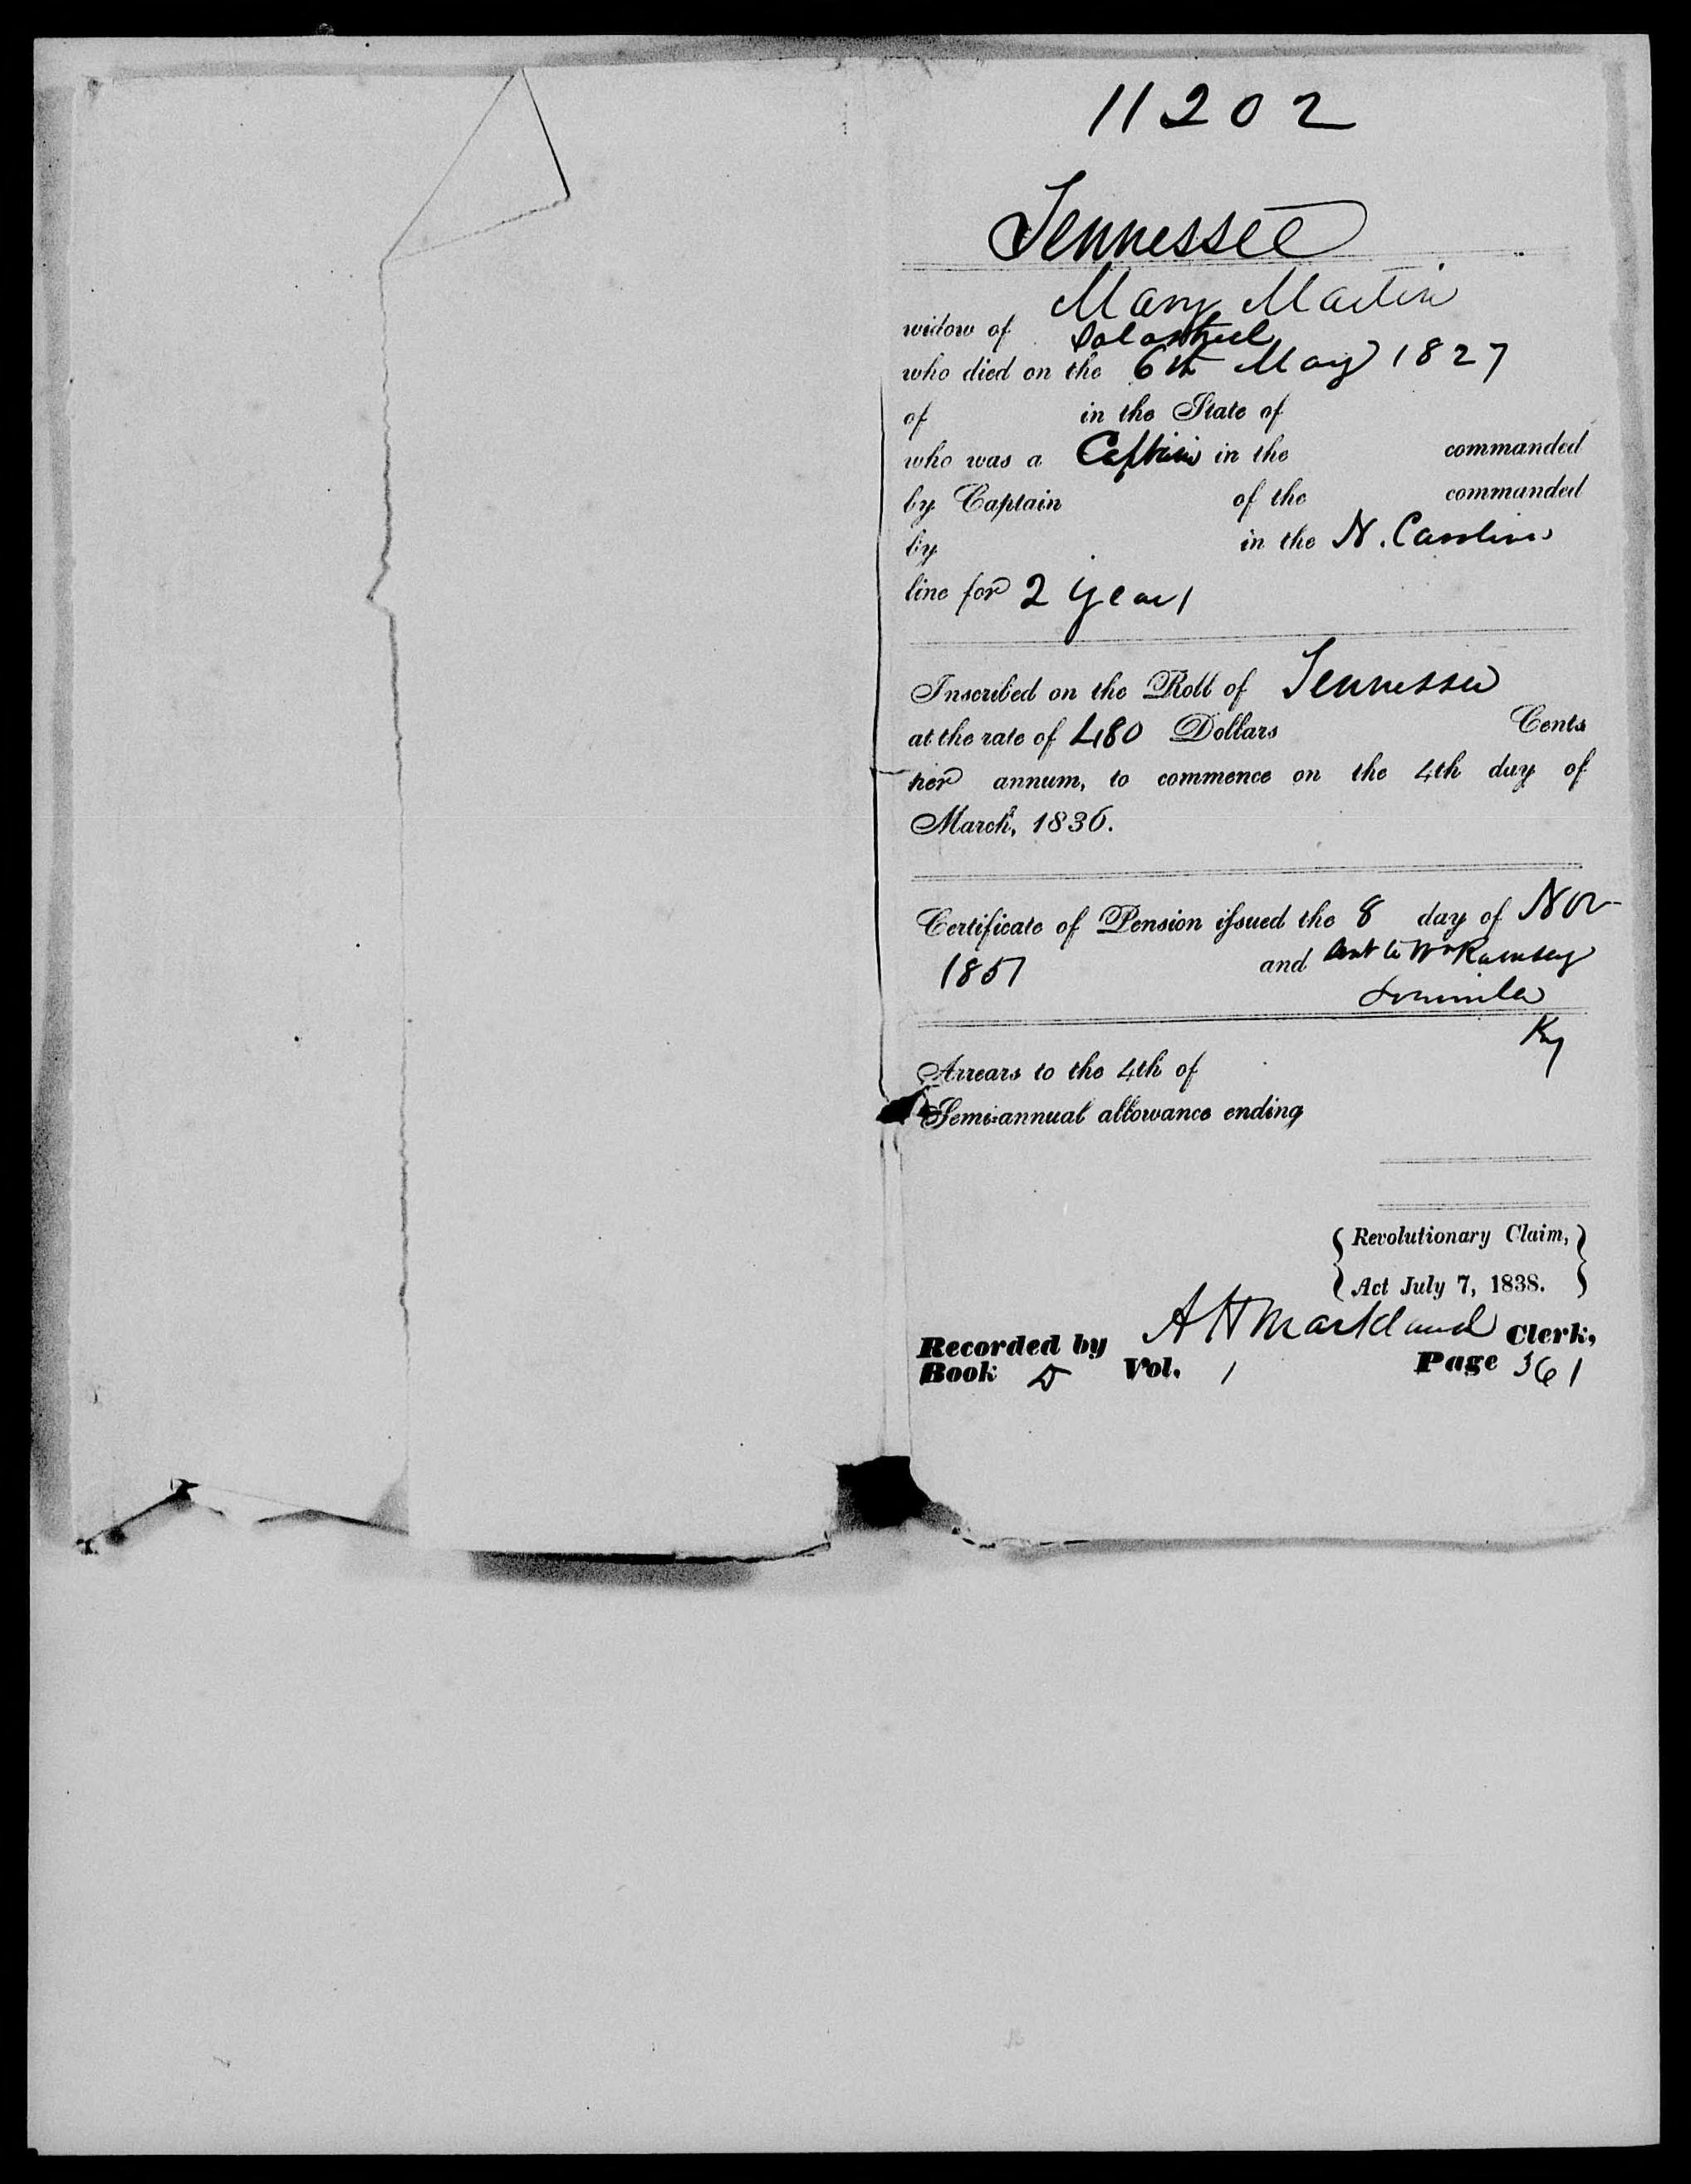[printed form, handwritten responses]
11202
Tennessee
Mary Martin
widow of Salathiel
who died on the 6th May 1827
of [blank] in the State of [blank]
who was a Captain in the [blank] commanded
by Captain [blank] of the [blank] commanded
by [blank] in the N. Carolina
line for 2 years

Inscribed on the Roll of Tennessee
at the rate of 480 Dollars [blank] Cents
per annum, to commence on the 4th day of
March, 1836.

Certificate of Pension issued the 8 day of Nov
1851 and sent to Wm Ramsay
Louisville 
Ky

Arrears to the 4th of
Semini-annual allowance ending

{Revolutionary Claim, }
{Act July 7, 1838.        }
Recorded by AH Markland Clerk,
Book D Vol 1 Page 361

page: 104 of 120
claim: widow's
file: W. 1044, for Salathiel Martin, North Carolina